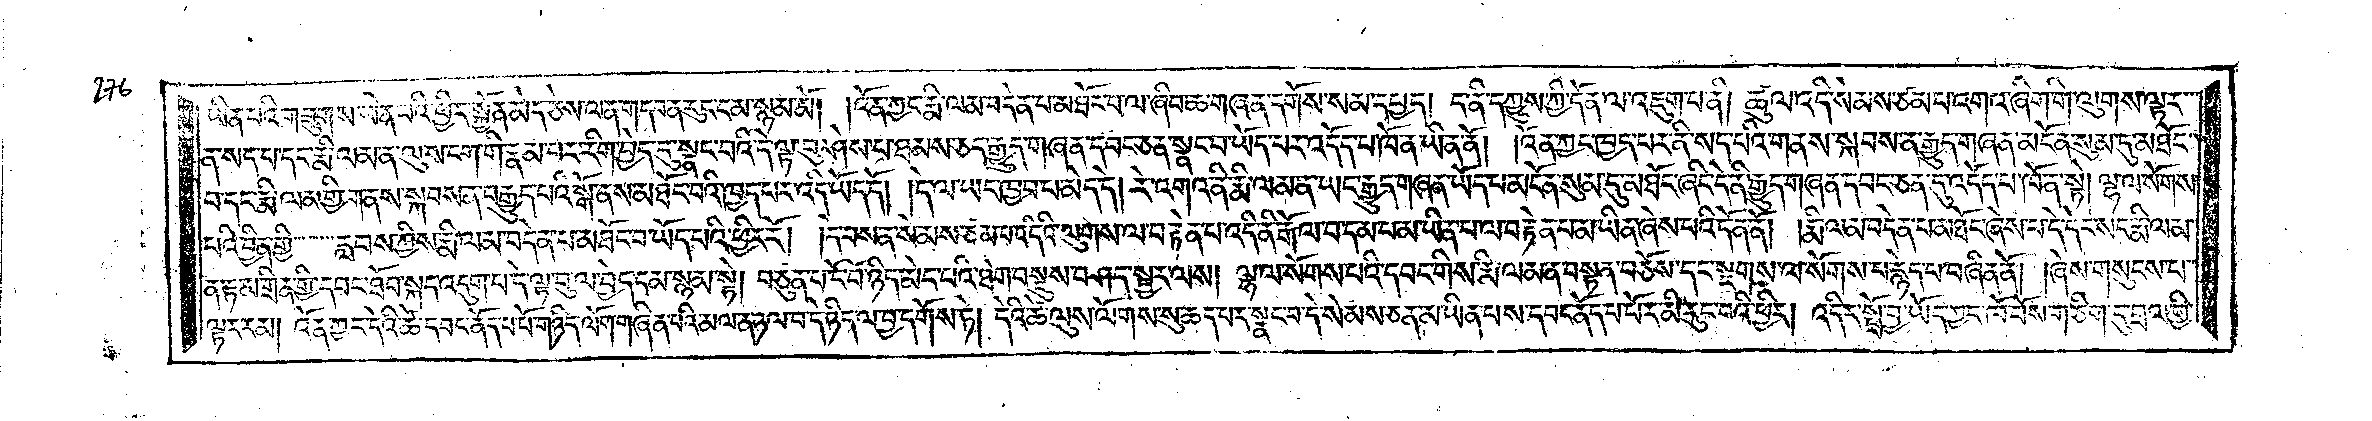ཡིན་པའི་གཟུགས་ཡིན་པའི་ཕྱིར་སྐྱོན་མེད་ཅེས་ལན་གདབ་ན་རུང་ངམ་སྙམ་མོ། །འོན་ཀྱང་རྨི་ལམ་བདེན་པ་མཐོང་བ་ལ་ཞིབ་ཆ་གཞན་དགོས་སམ་དཔྱད། ད་ནི་དཀྱུས་ཀྱི་དོན་ལ་འཇུག་པ་ནི། ཚུལ་འདི་སེམས་ཙམ་པ་འགའ་ཞིག་གི་ལུགས་ལྟར་
ན་སད་པ་དང་རྨི་ལམ་ན་ལུས་ངག་གི་རྣམ་པར་རིག་བྱེད་དུ་སྣང་བའི་དེ་ལྟ་བུ་ཤེས་པ་ཐམས་ཅད་རྒྱུད་གཞན་དབང་ཅན་སྣང་བ་ཡོད་པར་འདོད་པ་ཁོ་ན་ཡིན་ནོ། །འོན་ཀྱང་ཁྱད་པར་ནི་སད་པའི་གནས་སྐབས་ན་རྒྱུད་གཞན་མངོན་སུམ་དུ་མཐོང་
བ་དང་རྨི་ལམ་གྱི་གནས་སྐབས་ན་བརྒྱུད་པའི་སྒོ་ནས་མཐོང་བའི་ཁྱད་པར་འདི་ཡོད་དོ། །དེ་ལ་ཡང་ཁྱབ་པ་མེད་དེ། རེ་འགའ་ནི་རྨི་ལམ་ན་ཡང་རྒྱུད་གཞན་ཡོད་པ་མངོན་སུམ་དུ་མཐོང་ཞིང་དེ་ནི་རྒྱུད་གཞན་དབང་ཅན་དུ་འདོད་པ་ཁོ་ན་སྟེ། ལྷ་ལ་སོགས་
པའི་བྱིན་གྱི་རླབས་ཀྱིས་རྨི་ལམ་བདེན་པ་མཐོང་བ་ཡོད་པའི་ཕྱིར་རོ། །དེ་བས་ན་སེམས་ཙམ་པ་འདིའི་ལུགས་ལ་བརྟེན་པ་འདི་ནི་རྒོལ་བ་དམ་པ་མ་ཡིན་པ་ལ་བརྟེན་པ་མ་ཡིན་ཞེས་པའི་དོན་ནོ། །རྨི་ལམ་བདེན་པ་མཐོང་ཞེས་པ་དེ་དེང་སང་རྨི་ལམ་
ན་རྟ་མགྲིན་གྱི་དབང་ཐོབ་སྐད་འདུག་པ་དེ་ལྟ་བུ་ལ་བྱེད་དམ་སྙམ་སྟེ། བཙུན་པ་ངོ་བོ་ཉིད་མེད་པའི་ཐེག་བསྡུས་བཤད་སྦྱར་ལས། ལྷ་ལ་སོགས་པའི་དབང་གིས་རྨི་ལམ་ན་བསྟན་བཅོས་དང་སྔགས་ལ་སོགས་པ་རྙེད་པ་བཞིན་ནོ། །ཞེས་གསུངས་པ་
ལྟར་རམ། འོན་ཀྱང་དེའི་ཚེ་དབང་ནོད་པ་པོ་གཉིད་ལོག་གཞིན་པའི་མལ་ན་ཉལ་བ་དེ་ཉིད་ལ་བྱ་དགོས་ཏེ། དེའི་ཚེ་ལུས་ལོགས་སུ་ཆད་པར་སྣང་བ་དེ་སེམས་ཅན་མ་ཡིན་པས་དབང་ནོད་པ་པོར་མི་རུང་བའི་ཕྱིར། འདིར་སྤྲོ་བྱ་ཡོད་ཀྱང་ཁོ་བོས་གཅིག་དུ་བྲལ་གྱི་